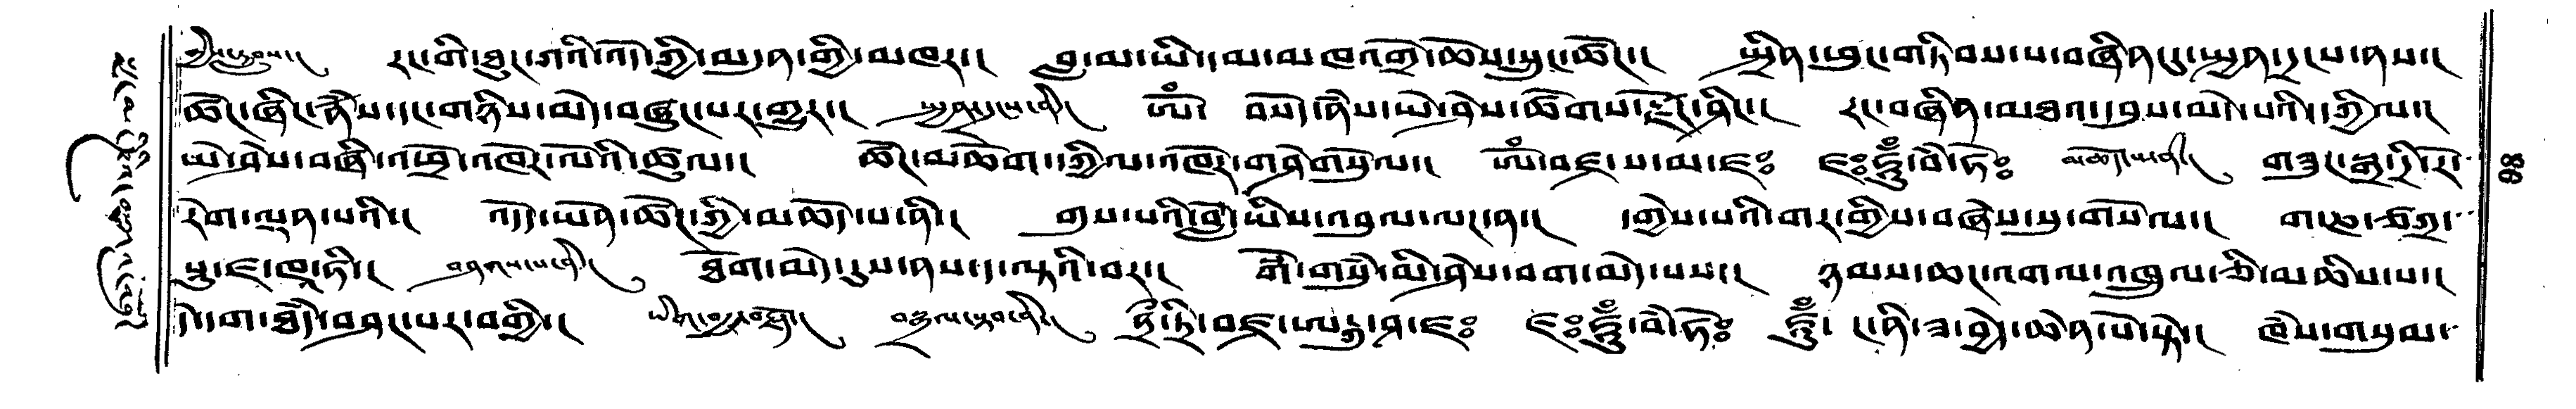གྱིས་བརླབ། རང་གི་ཐུགས་ཀའི་འོད་ཀྱི་མདུན་གྱི་མཁར། །བླ་མ་ཡི་དམ་མཁའ་འགྲོ་ཆོས་སྲུང་ཚོགས། །སྤྲིན་ཕུང་གཏིབས་པ་བཞིན་དུ་སྤྱན་དྲངས་ནས། །
ཚོགས་ཞིང་རྣམས་དང་གཉིས་མེད་བཞུགས་པར་གྱུར། སྤྱན་དྲངས་ནི། ཨོཾ། བསོད་ནམས་ཡེ་ཤེས་ཚོགས་རྫོགས་ཤིང་། །རང་བཞིན་མཐའ་དབུས་མེད་པའི་དཀྱིལ། །
ཡེ་ཤེས་བཞི་འཕྲོ་འཁོར་ལོའི་ཚུལ། །ཚོགས་མཆོག་དཀྱིལ་འཁོར་གཤེགས་སུ་གསོལ། ཨོཾ་བཛྲ་ས་མ་ཛཿ ཛཿཧཱུྃ་བམ་ཧོ། མཆོད་པ་ནི། གཟུགས་སྒྲ་དྲི་རོ་
རེག་ལྡན་པའི། །འདོད་ཡོན་ཚོགས་ཀྱི་མཆོད་པ་ནི། །གུས་པའི་བློ་ཡིས་འབུལ་ལགས་ན། །དགྱེས་པའི་གར་གྱིས་བཞེས་སུ་གསོལ། ག་ཎ་ཙཀྲ་
པཱུ་ཛ་ཁཱ་ཧི། བཤགས་པ་ནི། ཐོག་མེད་དུས་ནས་ད་ལྟའི་བར། །སྒོ་གསུམ་མི་ཤེས་བག་མེད་པས། །ཉམས་ཆག་འགལ་འཁྲུལ་ཅི་མཆིས་པ། །
དེ་དག་ཐམས་ཅད་བཤགས་པར་བགྱི། །ཡིག་བརྒྱ་བརྗོད། བསྒྲལ་བསྟབ་ནི། ནྲྀ་ཏྲི་བཛྲ་ཨངྐུ་ཤ་ཛཿ ཛཿཧཱུྃ་བྃ་ཧོཿ ཧཱུྃ། ང་ནི་ཟ་བྱེད་ཆེན་པོ་སྟེ། ཁམས་གསུམ་